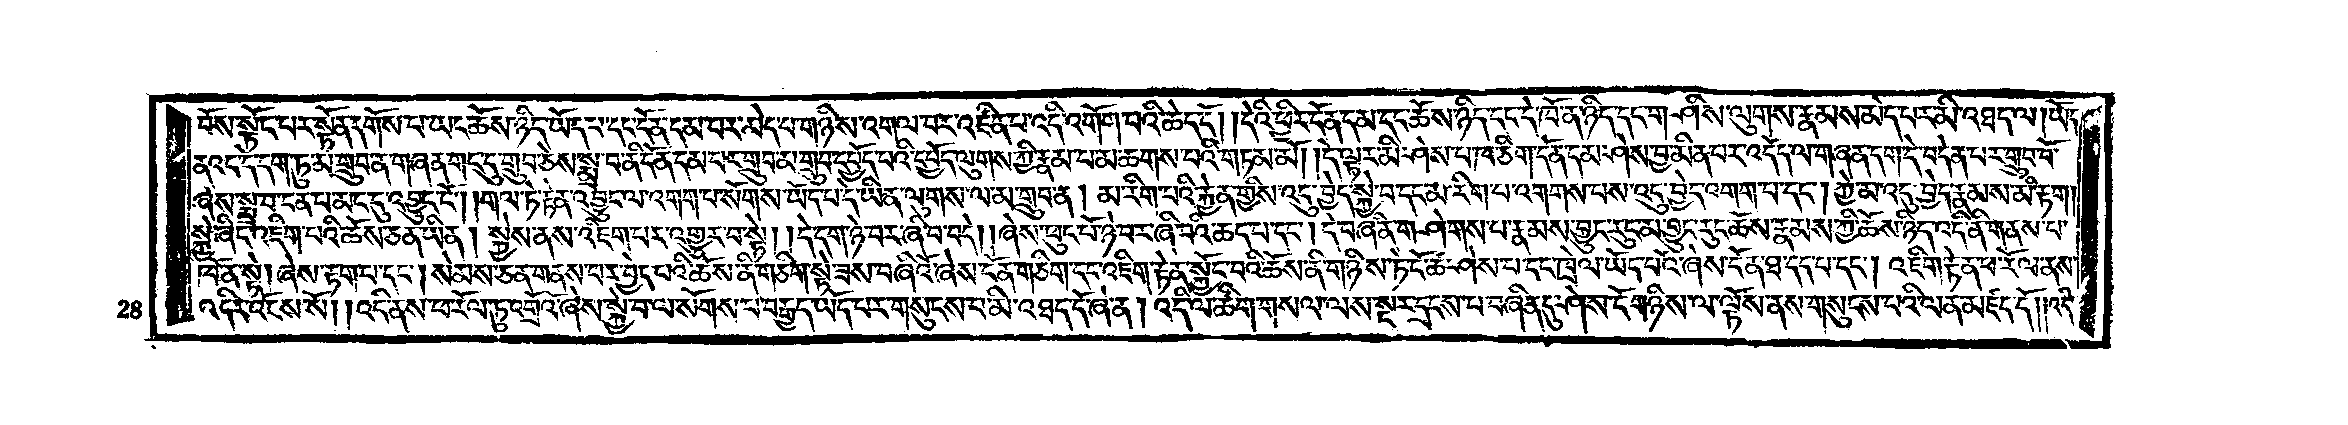བོས་སྟོང་པར་སྟོན་དགོས་པ་ཡང་ཆོས་ཉིད་ཡོད་པ་དང་དོན་དམ་པར་མེད་པ་གཉིས་འགལ་བར་འཛིན་པ་འདི་འགོག་པའི་ཆེད་དོ། །དེའི་ཕྱིར་དོན་དམ་དང་ཆོས་ཉིད་དང་དེ་ཁོ་ན་ཉིད་དང་གཤིས་ལུགས་རྣམས་མེད་པར་མི་འཐད་ལ། ཡོད་
ནའང་དེ་དག་ཏུ་མ་གྲུབ་ན་གཞན་གང་དུ་གྲུབ་ཅེས་སྨྲ་བ་ནི་དོན་དམ་པར་གྲུབ་མ་གྲུབ་དཔྱོད་པའི་དཔྱོད་ལུགས་ཀྱི་རྣམ་པ་མ་ཆགས་པའི་གཏམ་མོ། །དེ་ལྟར་མི་ཤེས་པ་ཁ་ཅིག་དོན་དམ་ཤེས་བྱ་མིན་པར་འདོད་ལ་གཞན་དག་དེ་བདེན་པར་གྲུབ་པོ་
ཞེས་སྨྲ་བ་ངན་པ་མང་དུ་འབྱུང་ངོ། །གལ་ཏེ་རྟེན་འབྱུང་ལ་འགག་པ་སོགས་ཡོད་པ་དེ་ཡིན་ལུགས་ལ་མ་གྲུབ་ན། མ་རིག་པའི་རྐྱེན་གྱིས་འདུ་བྱེད་སྐྱེ་བ་དང་མ་རིག་པ་འགགས་པས་འདུ་བྱེད་འགག་པ་དང་། ཀྱེ་མ་འདུ་བྱེད་རྣམས་མི་རྟག།
སྐྱེ་ཞིང་འཇིག་པའི་ཆོས་ཅན་ཡིན། སྐྱེས་ནས་འཇིག་པར་འགྱུར་བ་སྟེ། །དེ་དག་ཉེ་བར་ཞི་བ་བདེ། །ཞེས་ཕུང་པོ་ཉེ་བར་ཞི་བའི་ཆད་པ་དང་། དེ་བཞིན་གཤེགས་པ་རྣམས་བྱུང་རུང་མ་བྱུང་རུང་ཆོས་རྣམས་ཀྱི་ཆོས་ཉིད་འདི་ནི་གནས་པ་
ཁོ་ན་སྟེ། ཞེས་རྟག་པ་དང་། སེམས་ཅན་གནས་པར་བྱེད་པའི་ཆོས་ནི་གཅིག་སྟེ་ཟས་བཞིའི་ཞེས་དོན་གཅིག་དང་འཇིག་རྟེན་སྐྱོང་བའི་ཆོས་ནི་གཉིས་ཏེ་ངོ་ཚ་ཤེས་པ་དང་ཁྲེལ་ཡོད་པའོ་ཞེས་དོན་ཐ་དད་པ་དང་། འཇིག་རྟེན་ཕ་རོལ་ནས་
འདིར་འོངས་སོ། །འདི་ནས་ཕ་རོལ་ཏུ་འགྲོའོ་ཞེས་སྐྱེ་བ་ལ་སོགས་པ་བརྒྱད་ཡོད་པར་གསུངས་པ་མི་འཐད་དོ་ཞེ་ན། འདི་ལ་ཚིག་གསལ་ལས་སྔར་དྲངས་པ་བཞིན་དུ་ཤེས་ངོ་གཉིས་ལ་ལྟོས་ནས་གསུངས་པའི་ལན་མཛད་དོ། །འདི་